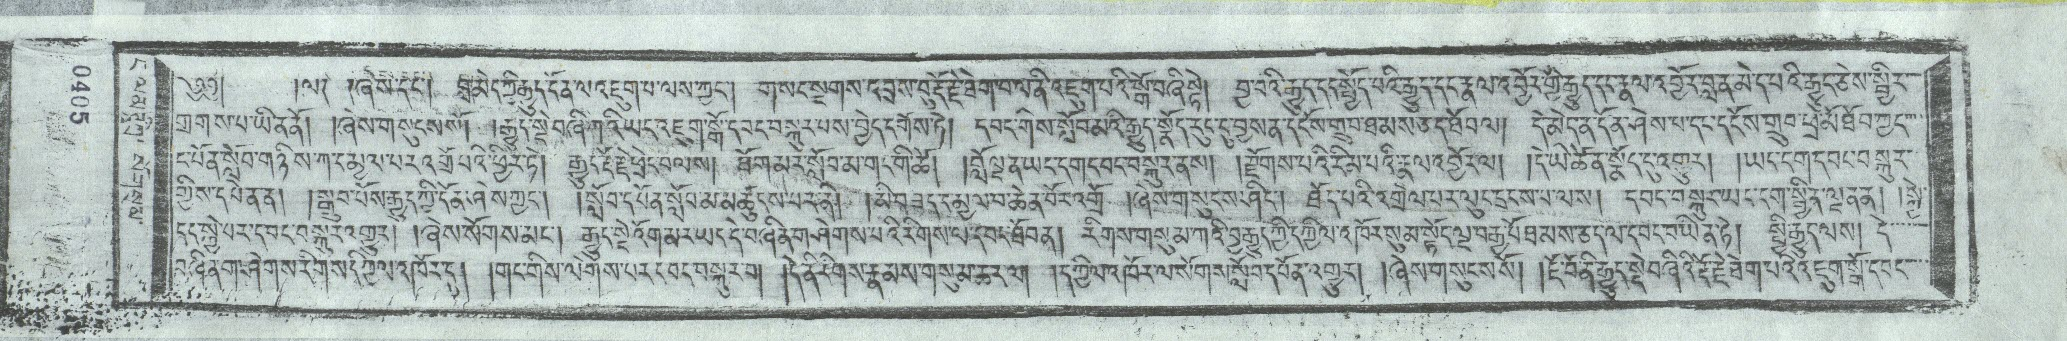༄༅། །ལ༑ ༑ཞེས་དང་། བླ་མེད་ཀྱི་རྒྱུད་དོན་ལ་འཇུག་པ་ལས་ཀྱང་། གསང་སྔགས་འབྲས་བུ་རྡོ་རྗེ་ཐེག་བ་ལ་ནི་འཇུག་པའི་སྒོ་བཞི་སྟེ། བྱ་བའི་རྒྱུད་དང་སྤྱོད་པའི་རྒྱུད་དང་རྣལ་འབྱོར་གྱི་རྒྱུད་དང་རྣལ་འབྱོར་བླ་ན་མེད་པའི་རྒྱུད་ཅེས་སྦྱིར་
གྲགས་པ་ཡིན་ནོ། །ཞེས་གསུངས་སོ། །རྒྱུད་སྡེ་བཞི་ཀའི་ཡང་འཇུག་སྒོ་དབང་བསྐུར་པས་བྱེད་དགོས་ཏེ། དབང་གིས་སློབ་མའི་རྒྱུད་སྣོད་རུང་དུ་བྱས་ན་དངོས་གྲུབ་ཐམས་ཅད་ཐོབ་ལ། དེ་མེད་ན་དོན་ཤེས་པ་དང་དངོས་གྲུབ་ཕྲ་མོ་ཐོབ་ཀྱང་
དཔོན་སློབ་གཉིས་ཀ་དམྱལ་པར་འགྲོ་པའི་ཕྱིར་ཏེ། རྒྱུད་རྡོ་རྗེ་ཕྲེང་བ་ལས། ཐོག་མར་སློབ་མ་གང་གི་ཚེ། །བློ་ལྡན་ཡང་དག་དབང་བསྐུར་ནས། །རྫོགས་པའི་རིམ་པའི་རྣལ་འབྱོར་ལ། །དེ་ཡི་ཚེན་སྣོད་དུ་འགྱུར། །ཡང་དག་དབང་བསྐུར་
གྱིས་དྥེན་ན། །སྒྲུབ་པོས་རྒྱུད་ཀྱི་དོན་ཤེས་ཀྱང་། །སློབ་དཔོན་སློབ་མ་མཚུངས་པར་ནི། །མི་བཟད་དམྱལ་བ་ཆེན་བོར་འགྲོ་།ཞེས་གསུངས་ཤིང་། ཐོད་པའི་འགྲེལ་པར་ལུང་དྲངས་པ་ལས། དབང་བསྐུར་ཡང་དག་སྦྱིན་ལྡན་ནན། །སྐྱེ་
དད་སྐྱེ་པར་དབང་བསྐུར་འགྱུར། །ཞེས་སོགས་མང་། རྒྱུད་སྡེའོག་མར་ཡང་དེ་བཞིན་གཤེགས་པའི་རིགས་ལ་དབང་ཐོབ་ན། རིགས་གསུམ་ཀའི་བྱ་རྒྱུད་ཀྱི་དཀྱིལ་འཁོར་སུམ་སྟོད་ལྔ་བརྒྱ་པོ་ཐམས་ཅད་ལ་དབང་བ་ཡིན་ཏེ། སྤྱི་རྒྱུད་ལས། དེ་
བཞིན་གཤེགས་རིགས་དཀྱིལ་འཁོར་དུ། །གང་གིས་ལེགས་པར་དབང་བསྐུར་བ། །དེ་ནི་རིགས་རྣམས་གསུམ་ཆར་ལ། །དཀྱིལ་འཁོར་ལ་སོགས་སློབ་དཔོན་འགྱུར། །ཞེས་གསུངས་སོ། །ཇོ་བོ་ནི་རྒྱུད་སྡེ་བཞིའི་རྡོ་རྗེ་ཐེག་པའི་འཇུག་སྒོ་དབང་